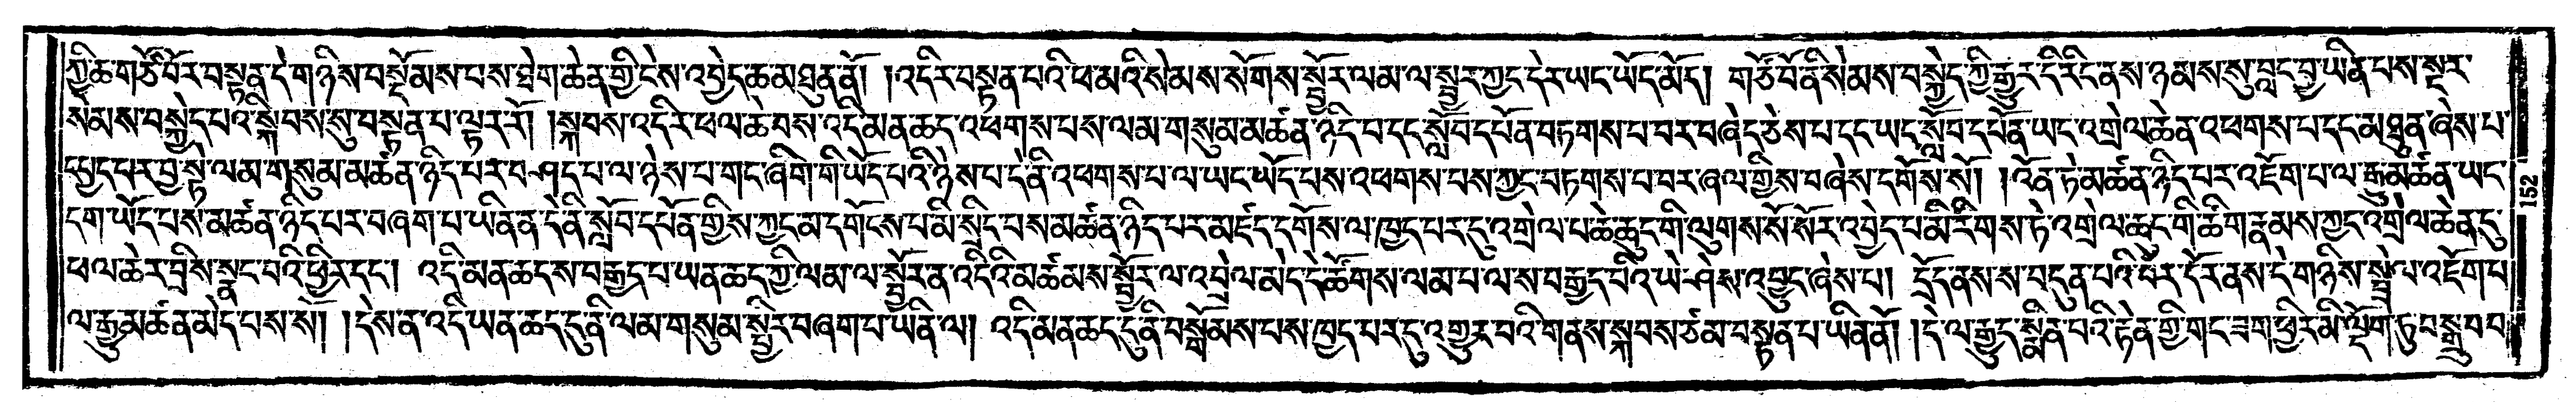ཀྱི་ཆ་གཙོ་བོར་བསྟན་དེ་གཉིས་བསྡོམས་པས་ཐེག་ཆེན་གྱི་ངེས་འབྱེད་ཆ་མཐུན་ནོ། །འདིར་བསྟན་པའི་ཕ་མའི་སེམས་སོགས་སྦྱོར་ལམ་ལ་སྦྱར་ཀྱང་དེར་ཡང་ཡོད་མོད། གཙོ་བོ་ནི་སེམས་བསྐྱེད་ཀྱི་རྒྱུར་དི་རིང་ནས་ཉམས་སུ་བླང་བྱ་ཡིན་པས་སྔར་
སེམས་བསྐྱེད་པའི་སྐབས་སུ་བསྟན་པ་ལྟར་རོ། །སྐབས་འདིར་ཕལ་ཆེ་བས་འདི་མན་ཆད་འཕགས་པས་ལམ་གསུམ་མཚན་ཉིད་པ་དང་སློབ་དཔོན་བཏགས་པ་བར་བཞེད་ཅེས་པ་དང་ཡང་སློབ་དཔོན་ཡང་འགྲེལ་ཆེན་འཕགས་པ་དང་མཐུན་ཞེས་པ་
དཔྱད་པར་བྱ་སྟེ་ལམ་གསུམ་མཚན་ཉིད་པར་བཤད་པ་ལ་ཉེས་པ་གང་ཞིག་གི་ཡོད་པའི་ཉེས་པ་དེ་ནི་འཕགས་པ་ལ་ཡང་ཡོད་པས་འཕགས་པས་ཀྱང་བཏགས་པ་བར་ཞལ་གྱིས་བཞེས་དགོས་སོ། །འོན་ཏེ་མཚན་ཉིད་པར་འཇོག་པ་ལ་རྒྱུ་མཚན་ཡང་
དག་ཡོད་པས་མཚན་ཉིད་པར་བཞག་པ་ཡིན་ན་དེ་ནི་སློབ་དཔོན་གྱིས་ཀྱང་མ་དགོངས་པ་མི་སྲིད་པས་མཚན་ཉིད་པར་མཛད་དགོས་ལ་ཁྱད་པར་དུ་འགྲེལ་པ་ཆེ་ཆུང་གི་ལུགས་སོ་སོར་འབྱེད་པ་མི་རིགས་ཏེ་འགྲེལ་ཆུང་གི་ཚིག་རྣམས་ཀྱང་འགྲེལ་ཆེན་དུ་
ཕལ་ཆེར་བྲིས་སྣང་བའི་ཕྱིར་དང་། འདི་མན་ཆད་ས་བརྒྱད་པ་ཡན་ཆད་ཀྱི་ལམ་ལ་སྦྱོར་ན་འདིའི་མཚམས་སྦྱོར་ལ་འབྲེལ་མེད་དེ་ཚོགས་ལམ་པ་ལ་ས་བརྒྱད་པའི་ཡེ་ཤེས་འབྱུང་ཞེས་པ། དྲོད་ནས་ས་བདུན་པའི་བར་དོར་ནས་དེ་གཉིས་སྦྲེལ་འཇོག་པ་
ལ་རྒྱུ་མཚན་མེད་པས་སོ། །དེས་ན་འདི་ཡན་ཆད་དུ་ནི་ལམ་གསུམ་སྤྱིར་བཞག་པ་ཡིན་ལ། འདི་མན་ཆད་དུ་ནི་བསྒོམས་པས་ཁྱད་པར་དུ་འགྱུར་པའི་གནས་སྐབས་ཙམ་བསྟན་པ་ཡིན་ནོ། །དེ་ལ་རྒྱུད་སྨིན་པའི་རྟེན་གྱི་གང་ཟག་ཕྱིར་མི་ལྡོག་ཏུ་བསྒྲུབ་པ་